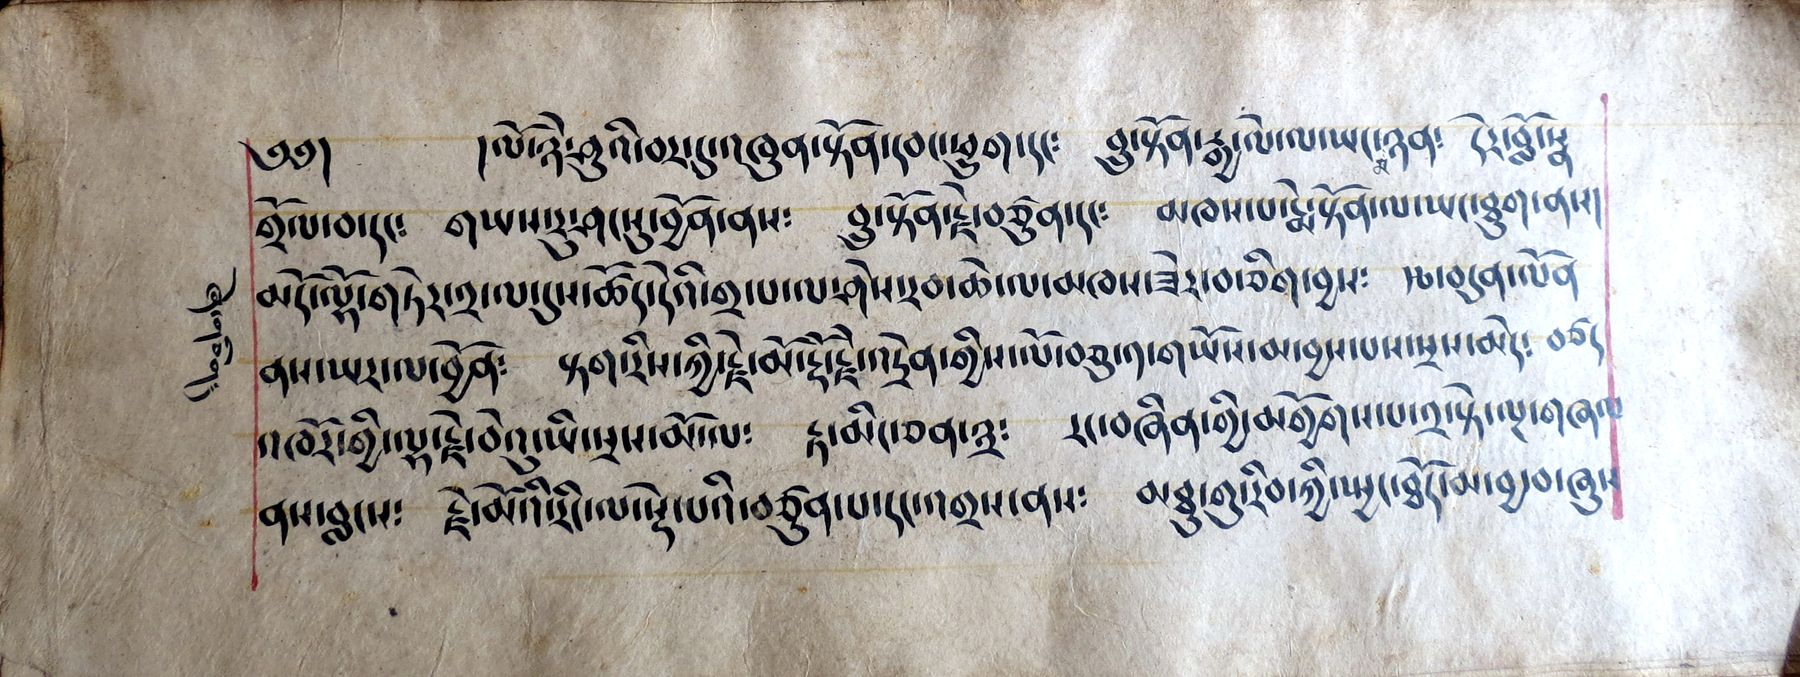ལོ་ཉི་ཤུའི་བར་དུ་འཁུན་སྟོན་དབང་ཕྱུག་དང་། བྲུ་སྟོན་རྒྱ་ལེ་ལ་ཡང་མཉན། དེར་བློ་སྣ་
གྲོལ་བ་དང་། གཡས་རུ་ཤངས་སུ་བྱོན་ནས། བྲུ་སྟོན་རྗེ་བཙུན་དང་མཁས་པ་རྨེའུ་སྟོན་ལ་ཡང་ཐུག་ནས། 
མདོ་ལྷོ་གཏེར་གཉིས་ལ་དུས་ཚོད་དེའི་གྲྭ་པ་ལ་ཤེས་རབ་ཆེ་ལ་མཁས་ཟེར་བ་ཅིག་རྩ་བདུན་ལོན་
ནས་ཡར་ལ་བྱོན། སྟག་རིས་ཀྱི་རྗེ་མོ་རྡོ་རྗེ་འདྲེན་གྱིས་ལོ་བཅུ་གཅིག་གཡོས་མ་བྱས་པས་སྲས་མེད། བཙད་
འཁོར་གྱི་ལྷ་རྗེ་བེའུ་ཡི་སྲས་མོ་ལ། རྟ་མིང་ཅན་གསུམ། རང་བཞིན་གྱི་མགྱོགས་པ་གཉིས་ཏེ་ལྔ་གཞལ་
ནས་བླངས། རྗེ་མོའི་རིང་ལ་སྡེ་པའི་བཙུན་པ་དང་འགྲས་ནས། མཐུ་གུ་རིབ་ཀྱི་སྤྱང་ཐོད་མ་བྱ་བ་ཞུས།